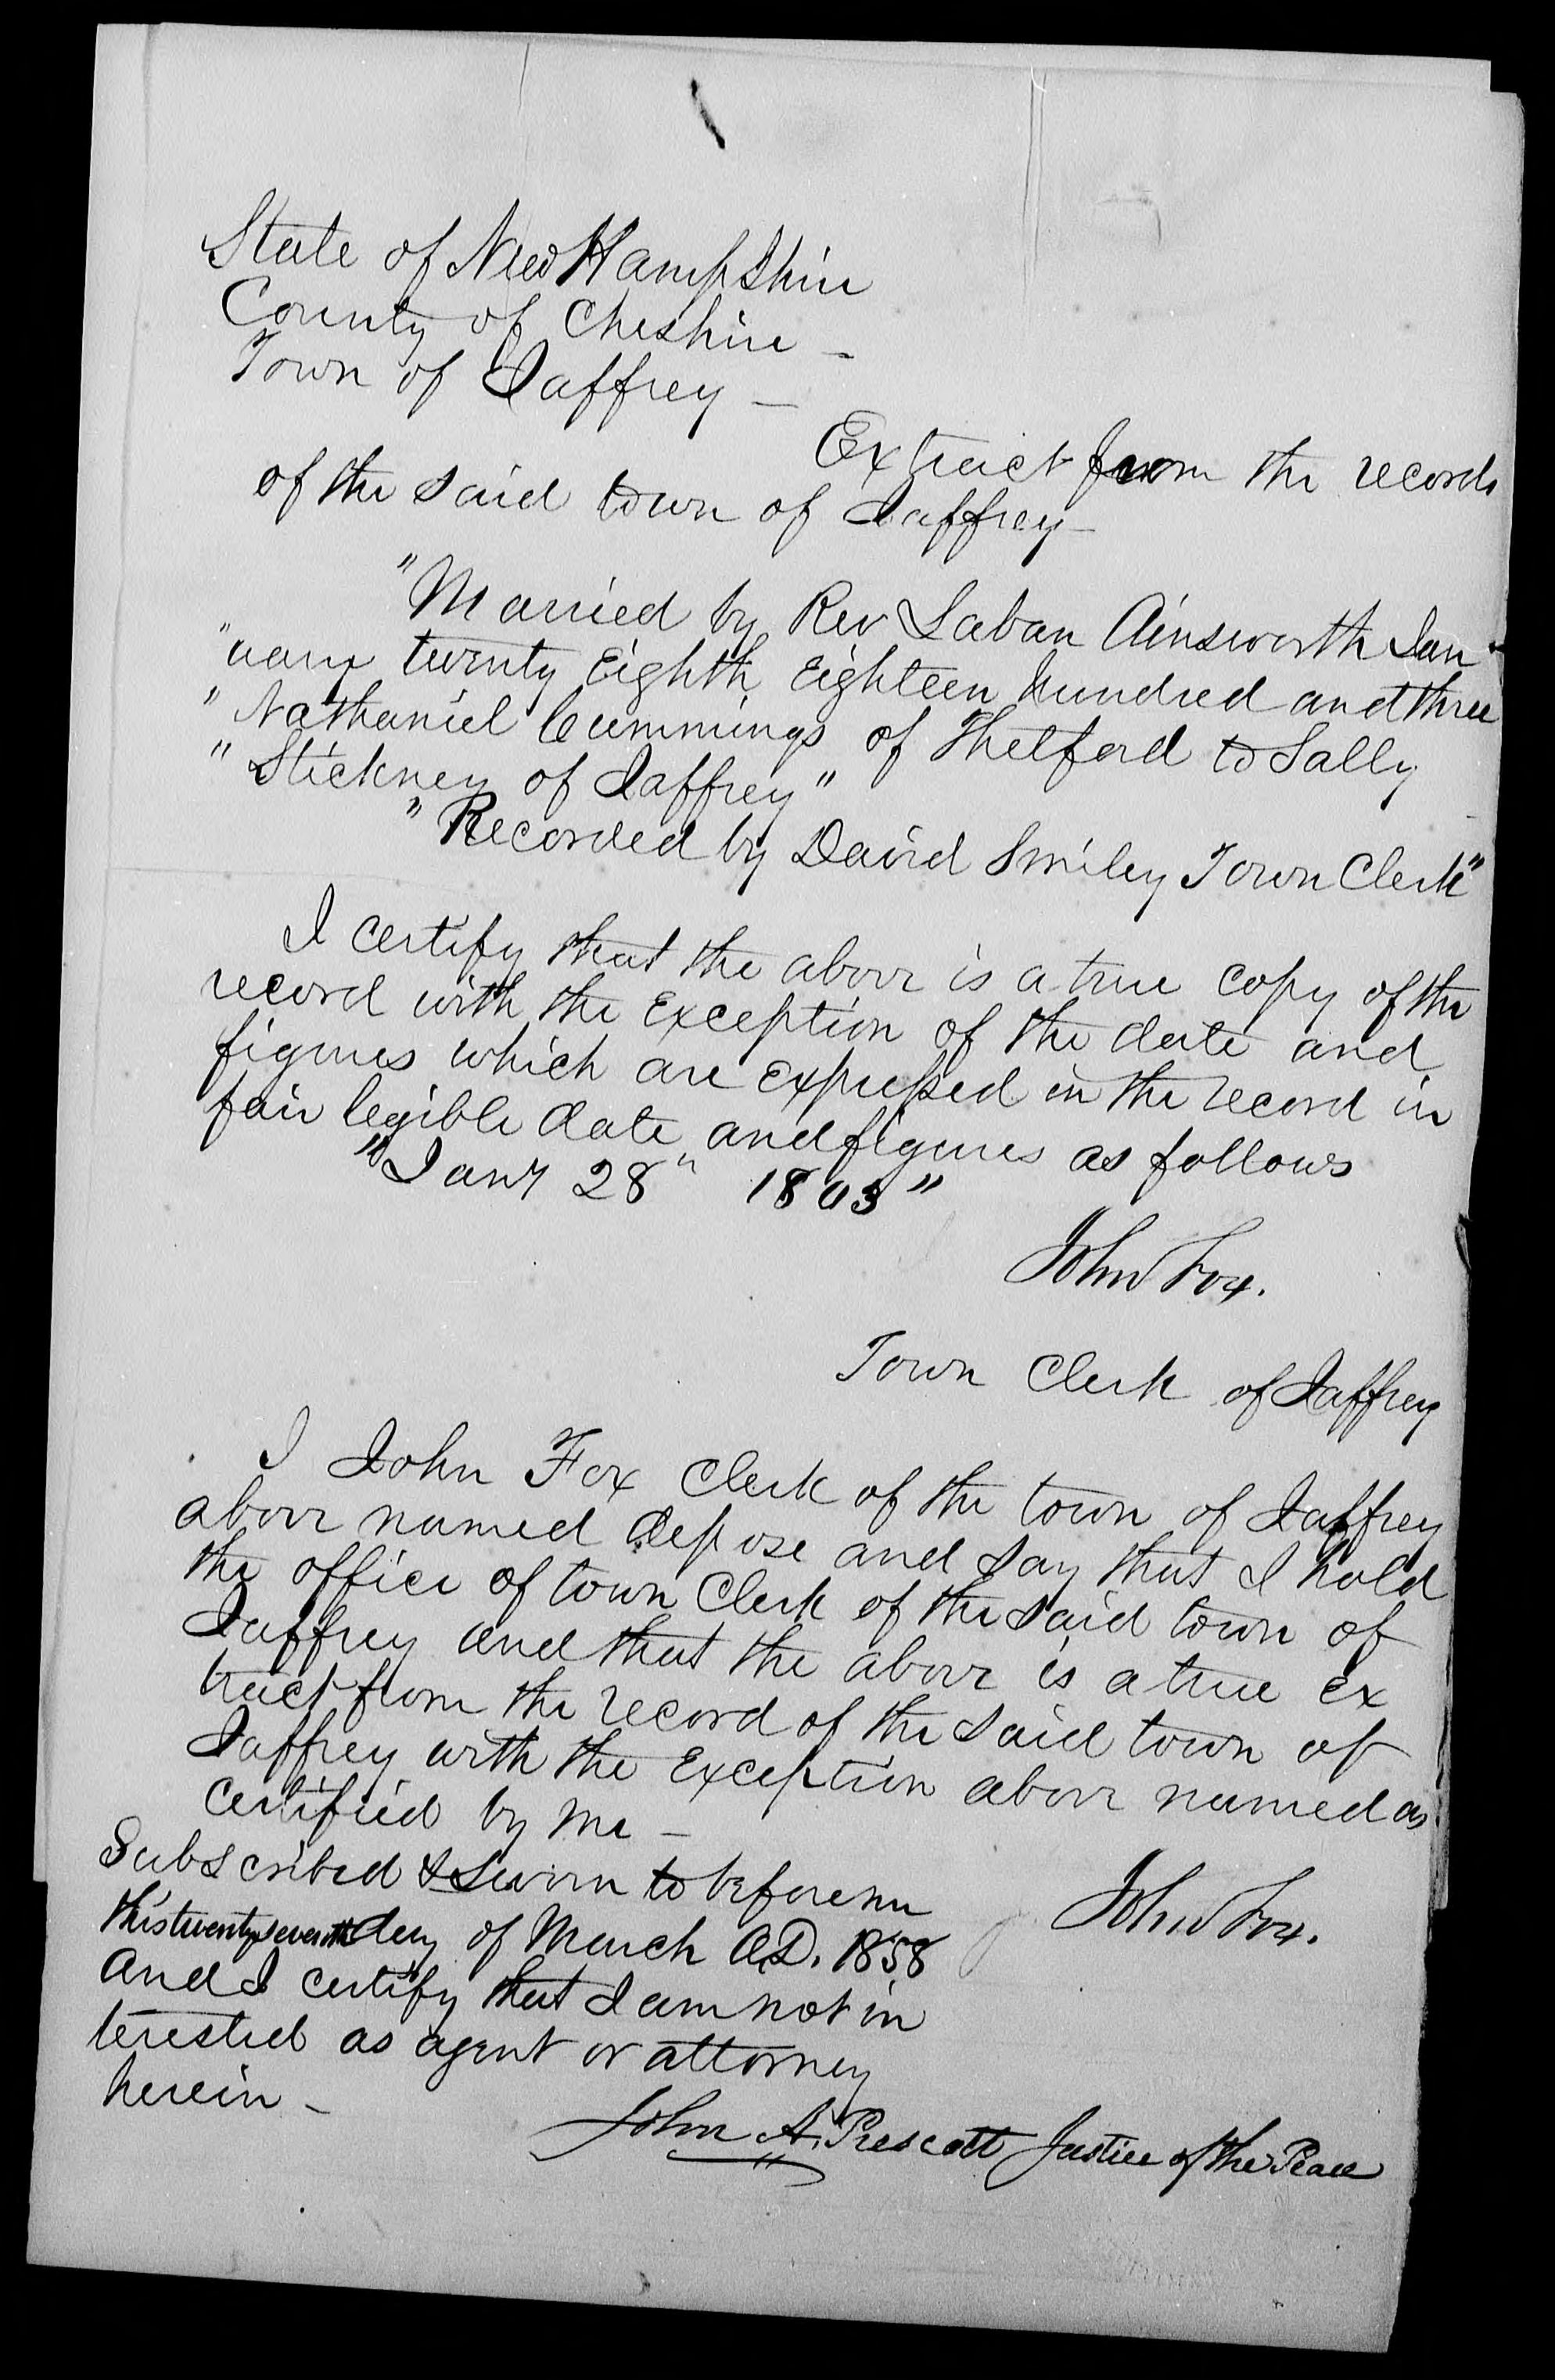State of New Hampshire
County of Cheshire
Town of Jaffrey
Extract from the records
of the said town of Jaffrey

"Married by Rev. Laban Ainsworth January 
twenty Eighth Eighteen hundred and three 
Nathaniel Cummings of Thetford to Sally
Stickney of Jaffrey."
Recorded by David Smiley Town Clerk

I certify that the above is a true copy of the
record with the exception of the date and 
figures, which are expressed in the record in
fair legible date and figures as follows
"Jany 28th 1803"
John Fox
Town Clerk of Jaffery

I John Fox Clerk of the town of Jaffrey
above named depose and say that I hold
the office of town Clerk of the said town of
suffice and that the above is a true extract 
from the record of the said town of
Jaffrey with the exception above named as 
certified by me -
John Fox
Subscribed & Sworn to before me
this twenty seventh day of March A.D. 1858
and I certify that I am not interested as agent or attorney 
herein -

John A. Prescott Justice of the Peace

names: John Fox, David Smiley, Nathaniel Cummings, Laban Ainsworth, John A Prescott, Sally, John Fox, John Fox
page: 9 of 41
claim: widow's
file: W. 9819, Nathaniel Cumings, Vt.